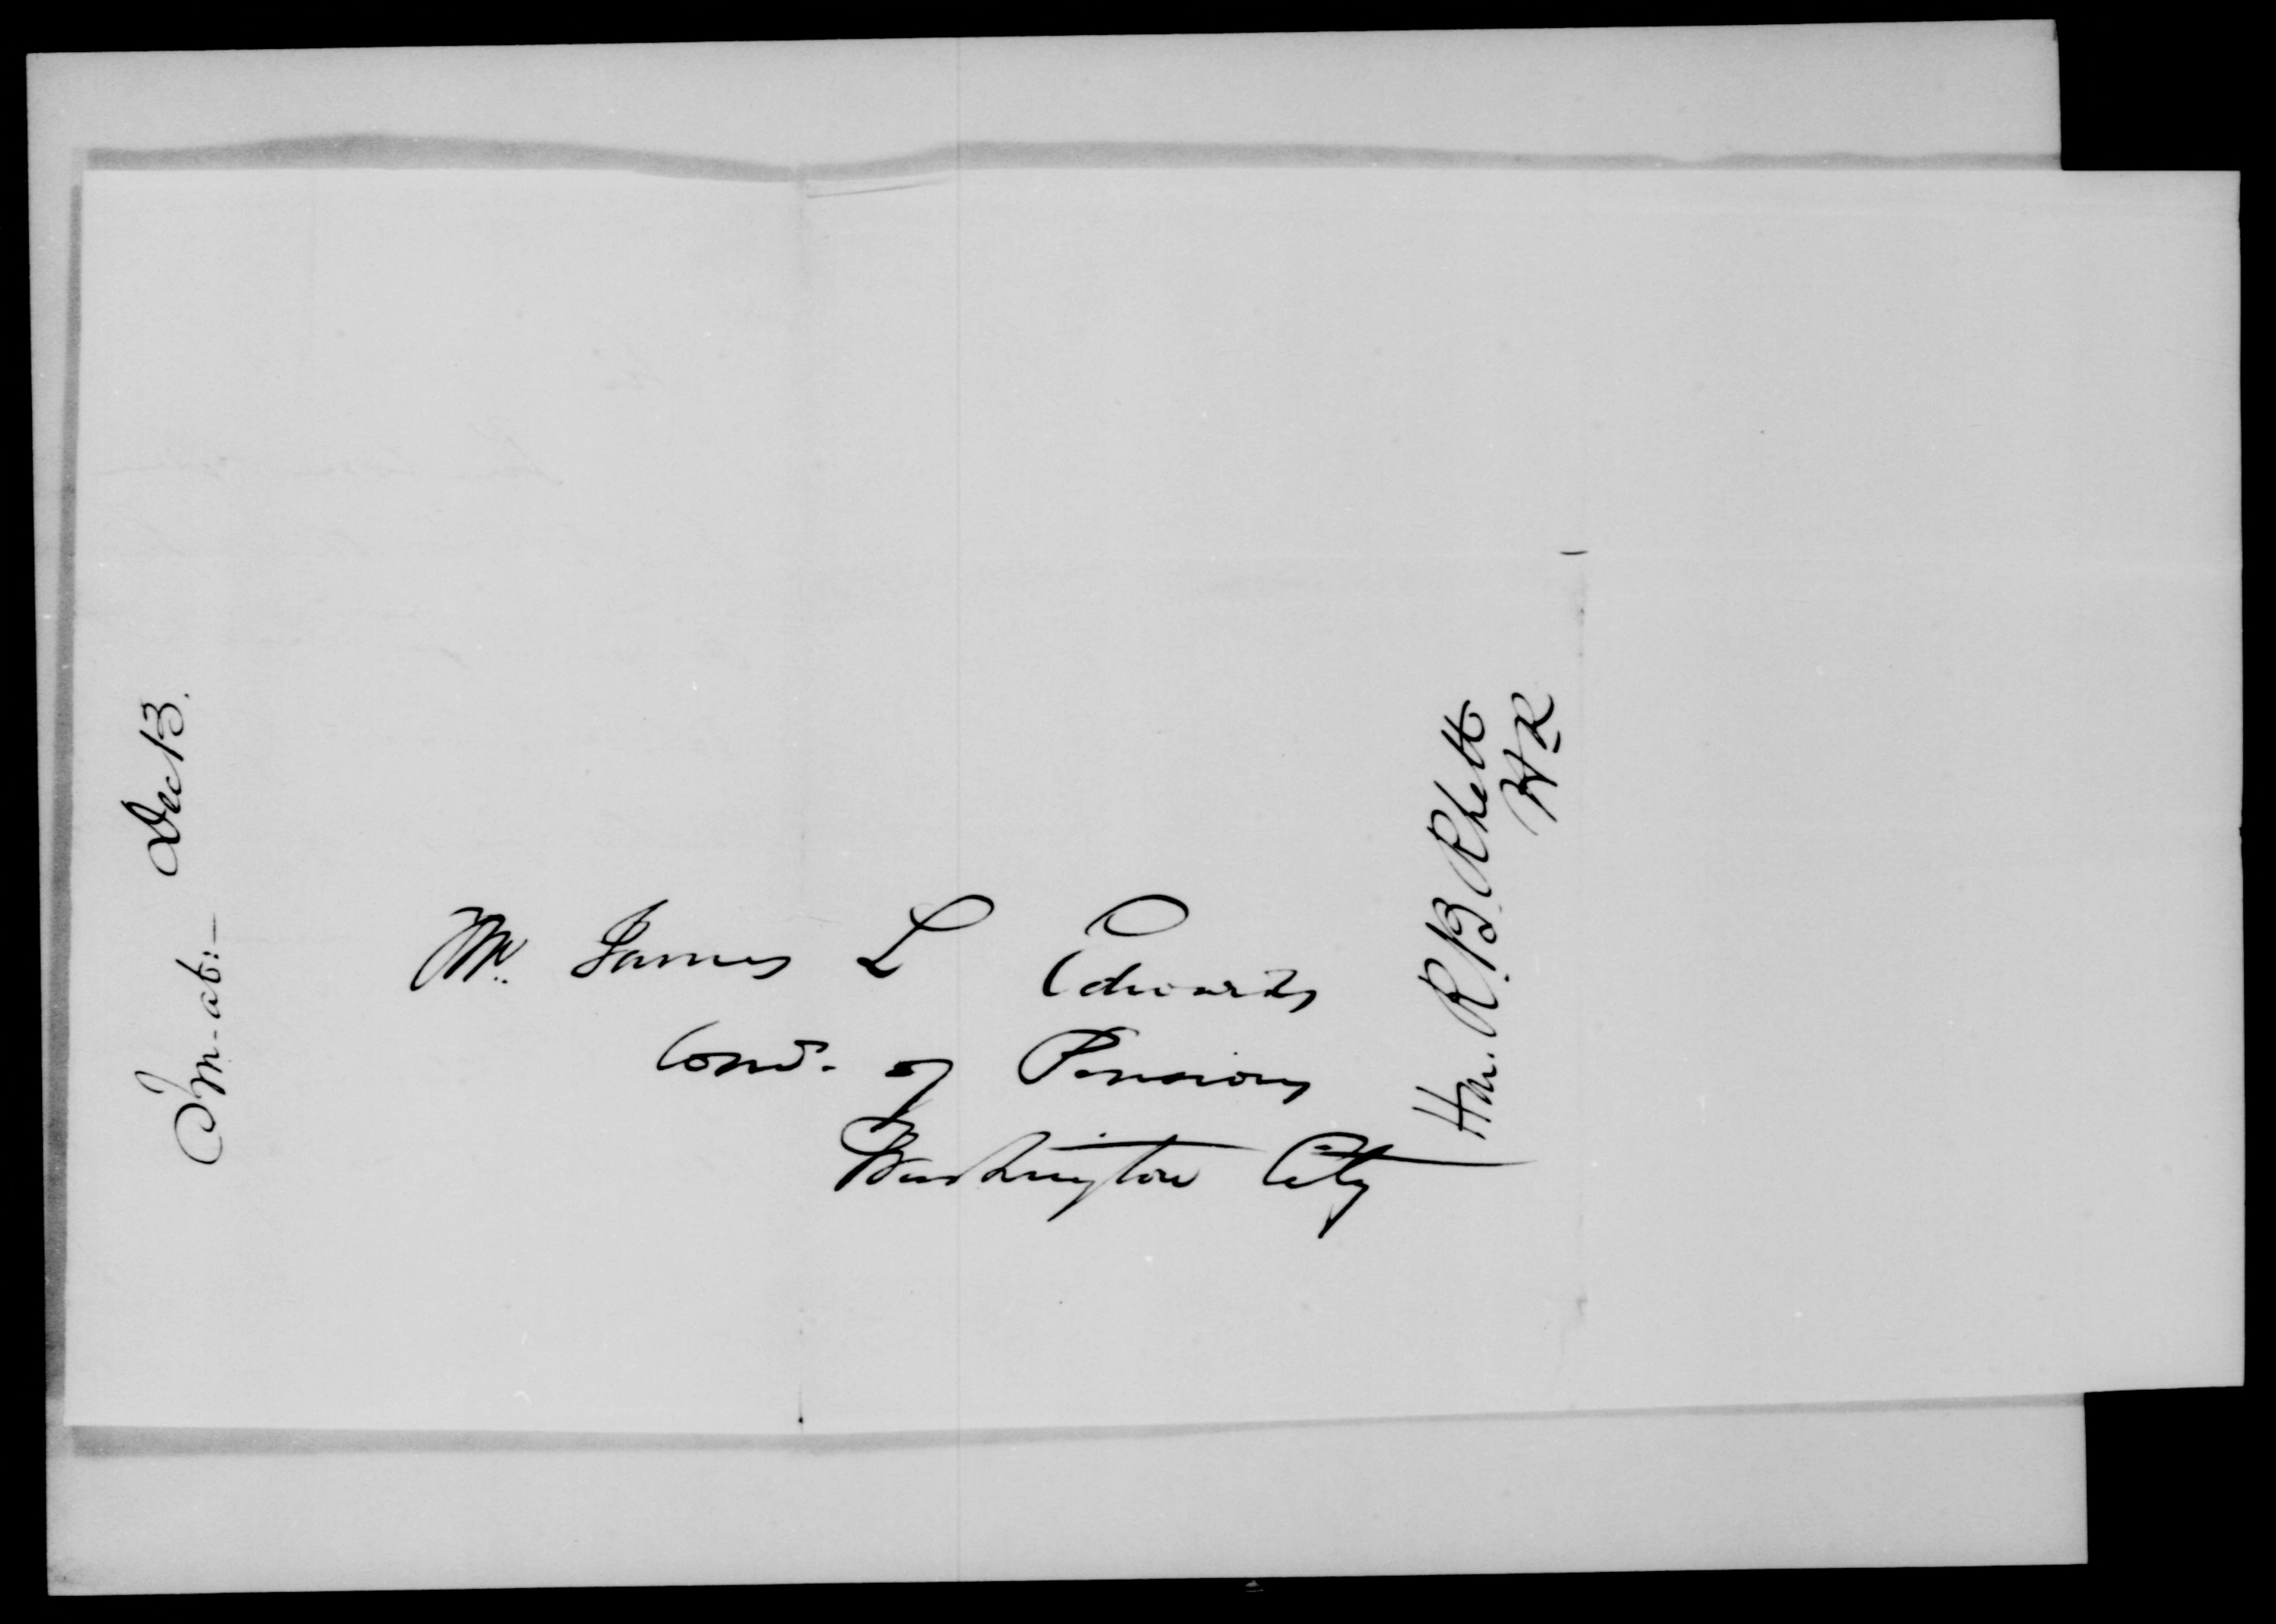Mr. James L Edwards
Commr. of Pensions
Washington City

[sideways print]
Dec. 13.
JM-at: 

Hon. R.B. Rhett HR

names: James L Edwards; R B Rhett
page: 17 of 21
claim: rejected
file: R. 9875, for William Smith, South Carolina